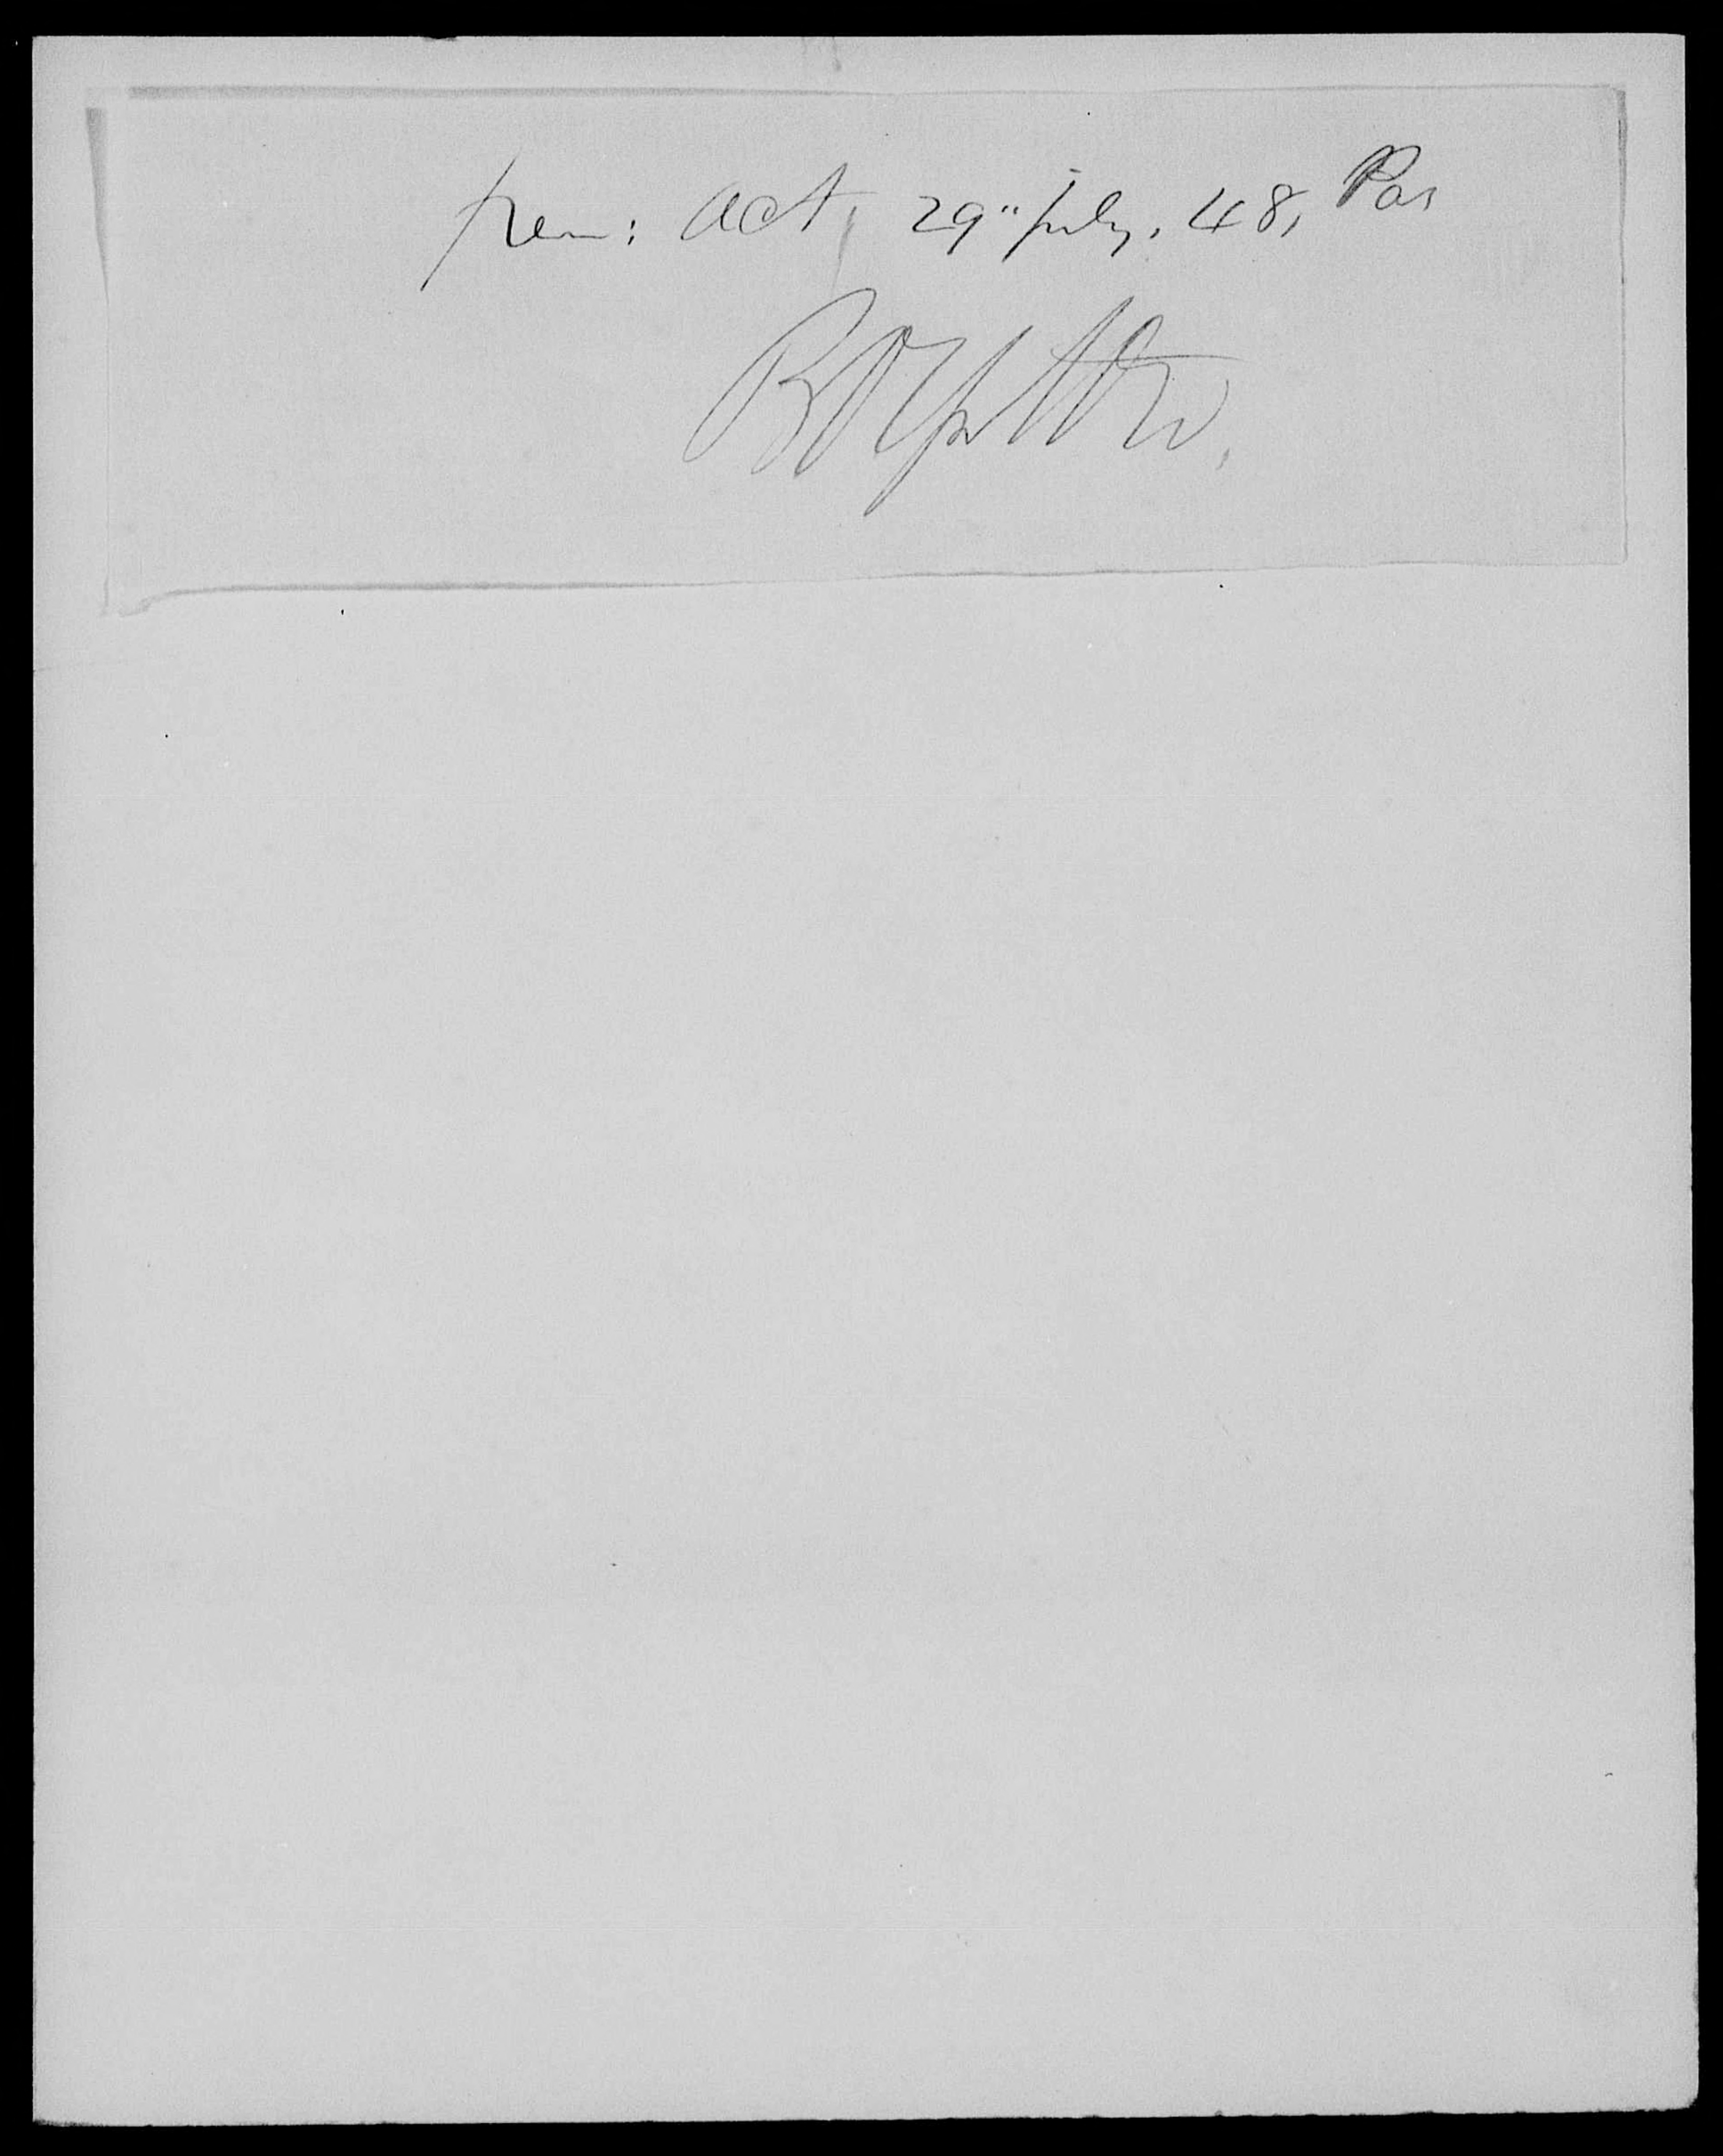Act 29 July 1848 Pennsylvania
Boynton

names: Boynton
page: 20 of 51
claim: widow's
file: W 8939, George Hood, Continental Va.